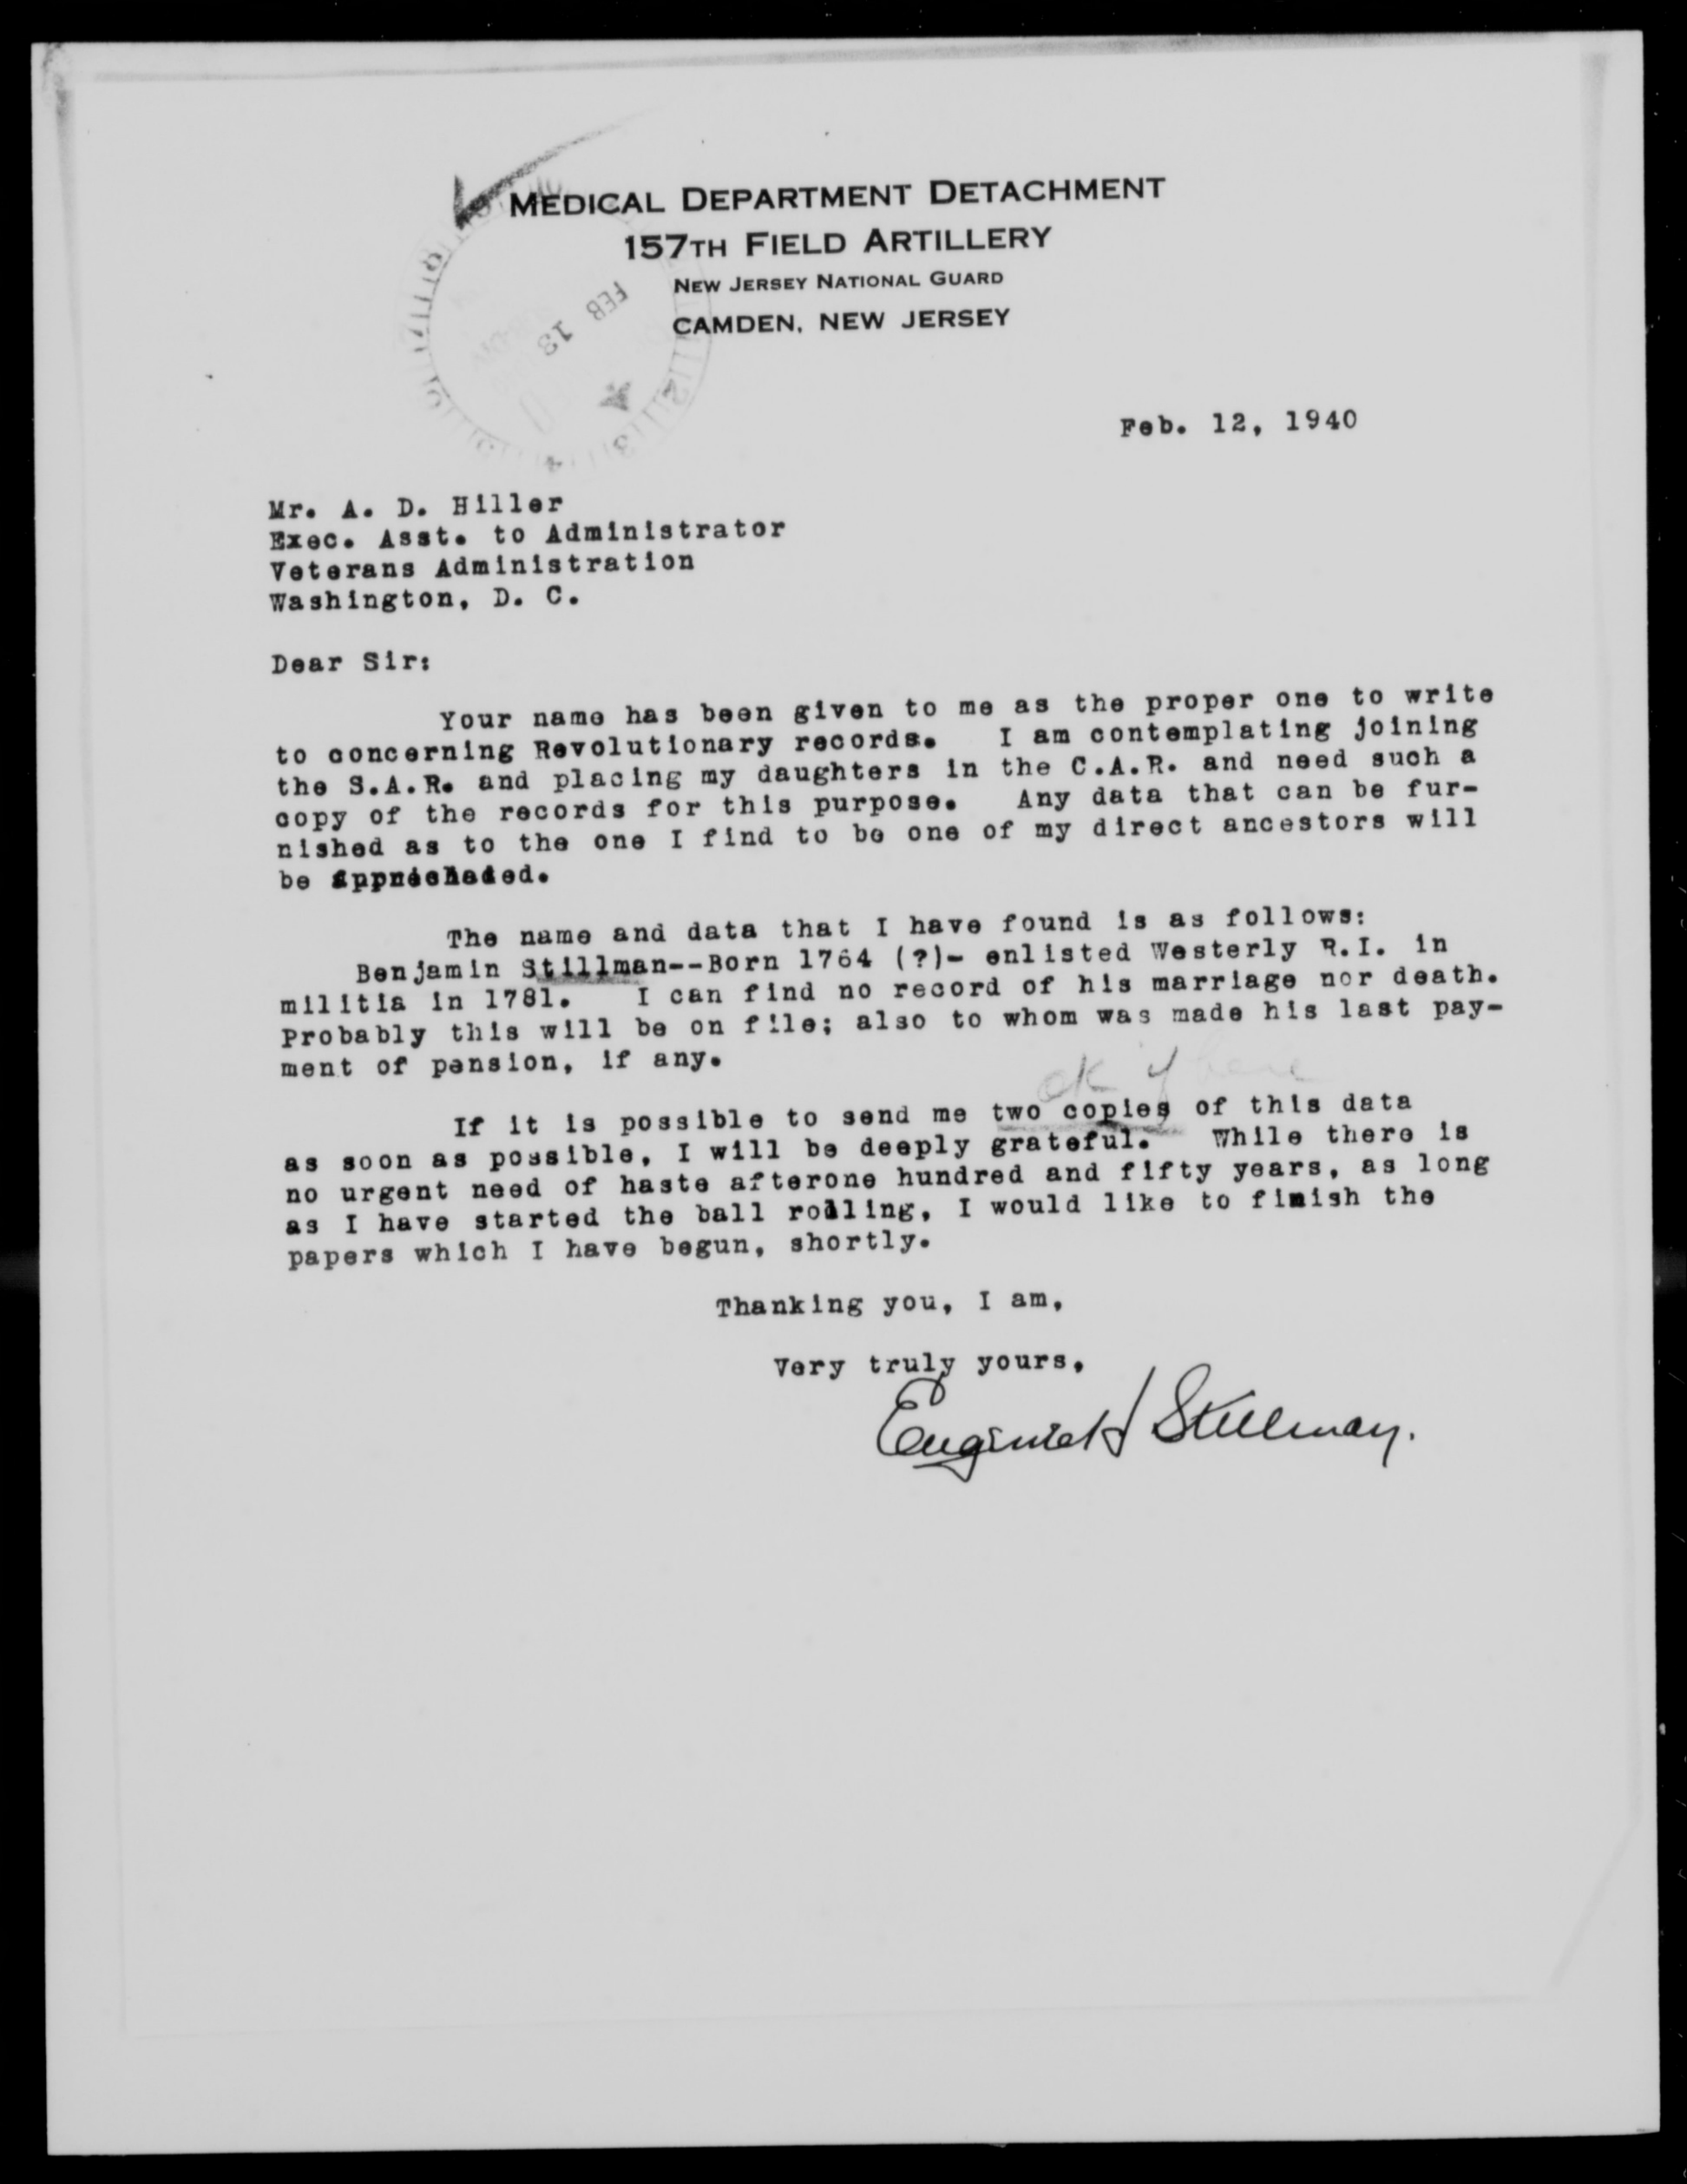MEDICAL DEPARTMENT DETACHMENT [checkmark in front]
157TH FIELD ARTILLERY
NEW JERSEY NATIONAL GUARD
CAMDEN, NEW JERSEY
[stamp mostly illegible] FEB 13

Feb. 12, 1940
Mr. A. D. Hiller
Exec. Asst. to Administrator
Veterans Administration
Washington, D. C.
Dear Sir: 
Your name has been given to me as the proper one to write to concerning Revolutionary records. I am contemplating joining the S.A.R. and placing my daughters in the C. A. R. and need such a copy of the records for this purpose. Any data that can be furnished as to the one I find to be one of my direct ancestors will be appreciated. 
The name and data that I have found is as follows: Benjamin Silliman -- Born 1764 (?) enlisted Westerly, R.I. In militia in 1781. I can find no record of his marriage nor death. Probably this will be on file: also to whom was made his last payment of pension, if any. 
If it is possible to send me [underlined]two copies [/underlined and noted above: OK if here] of this data as soon as possible, I will be deeply grateful. While there is no urgent need of haste after one hundred and fifty years, as long as I have started the ball rolling, I would like to finish the papers which I have begun shortly. 
Thanking you, I am, 
Very truly yours, 
Eugene Stillman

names: Benjamin Stillman; A D Hiller; Eugenie H Stillman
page: 19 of 29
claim: bounty land warrant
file: B.L.Wt.47987-160-55, for Benjamin Stillman, Rhode Island